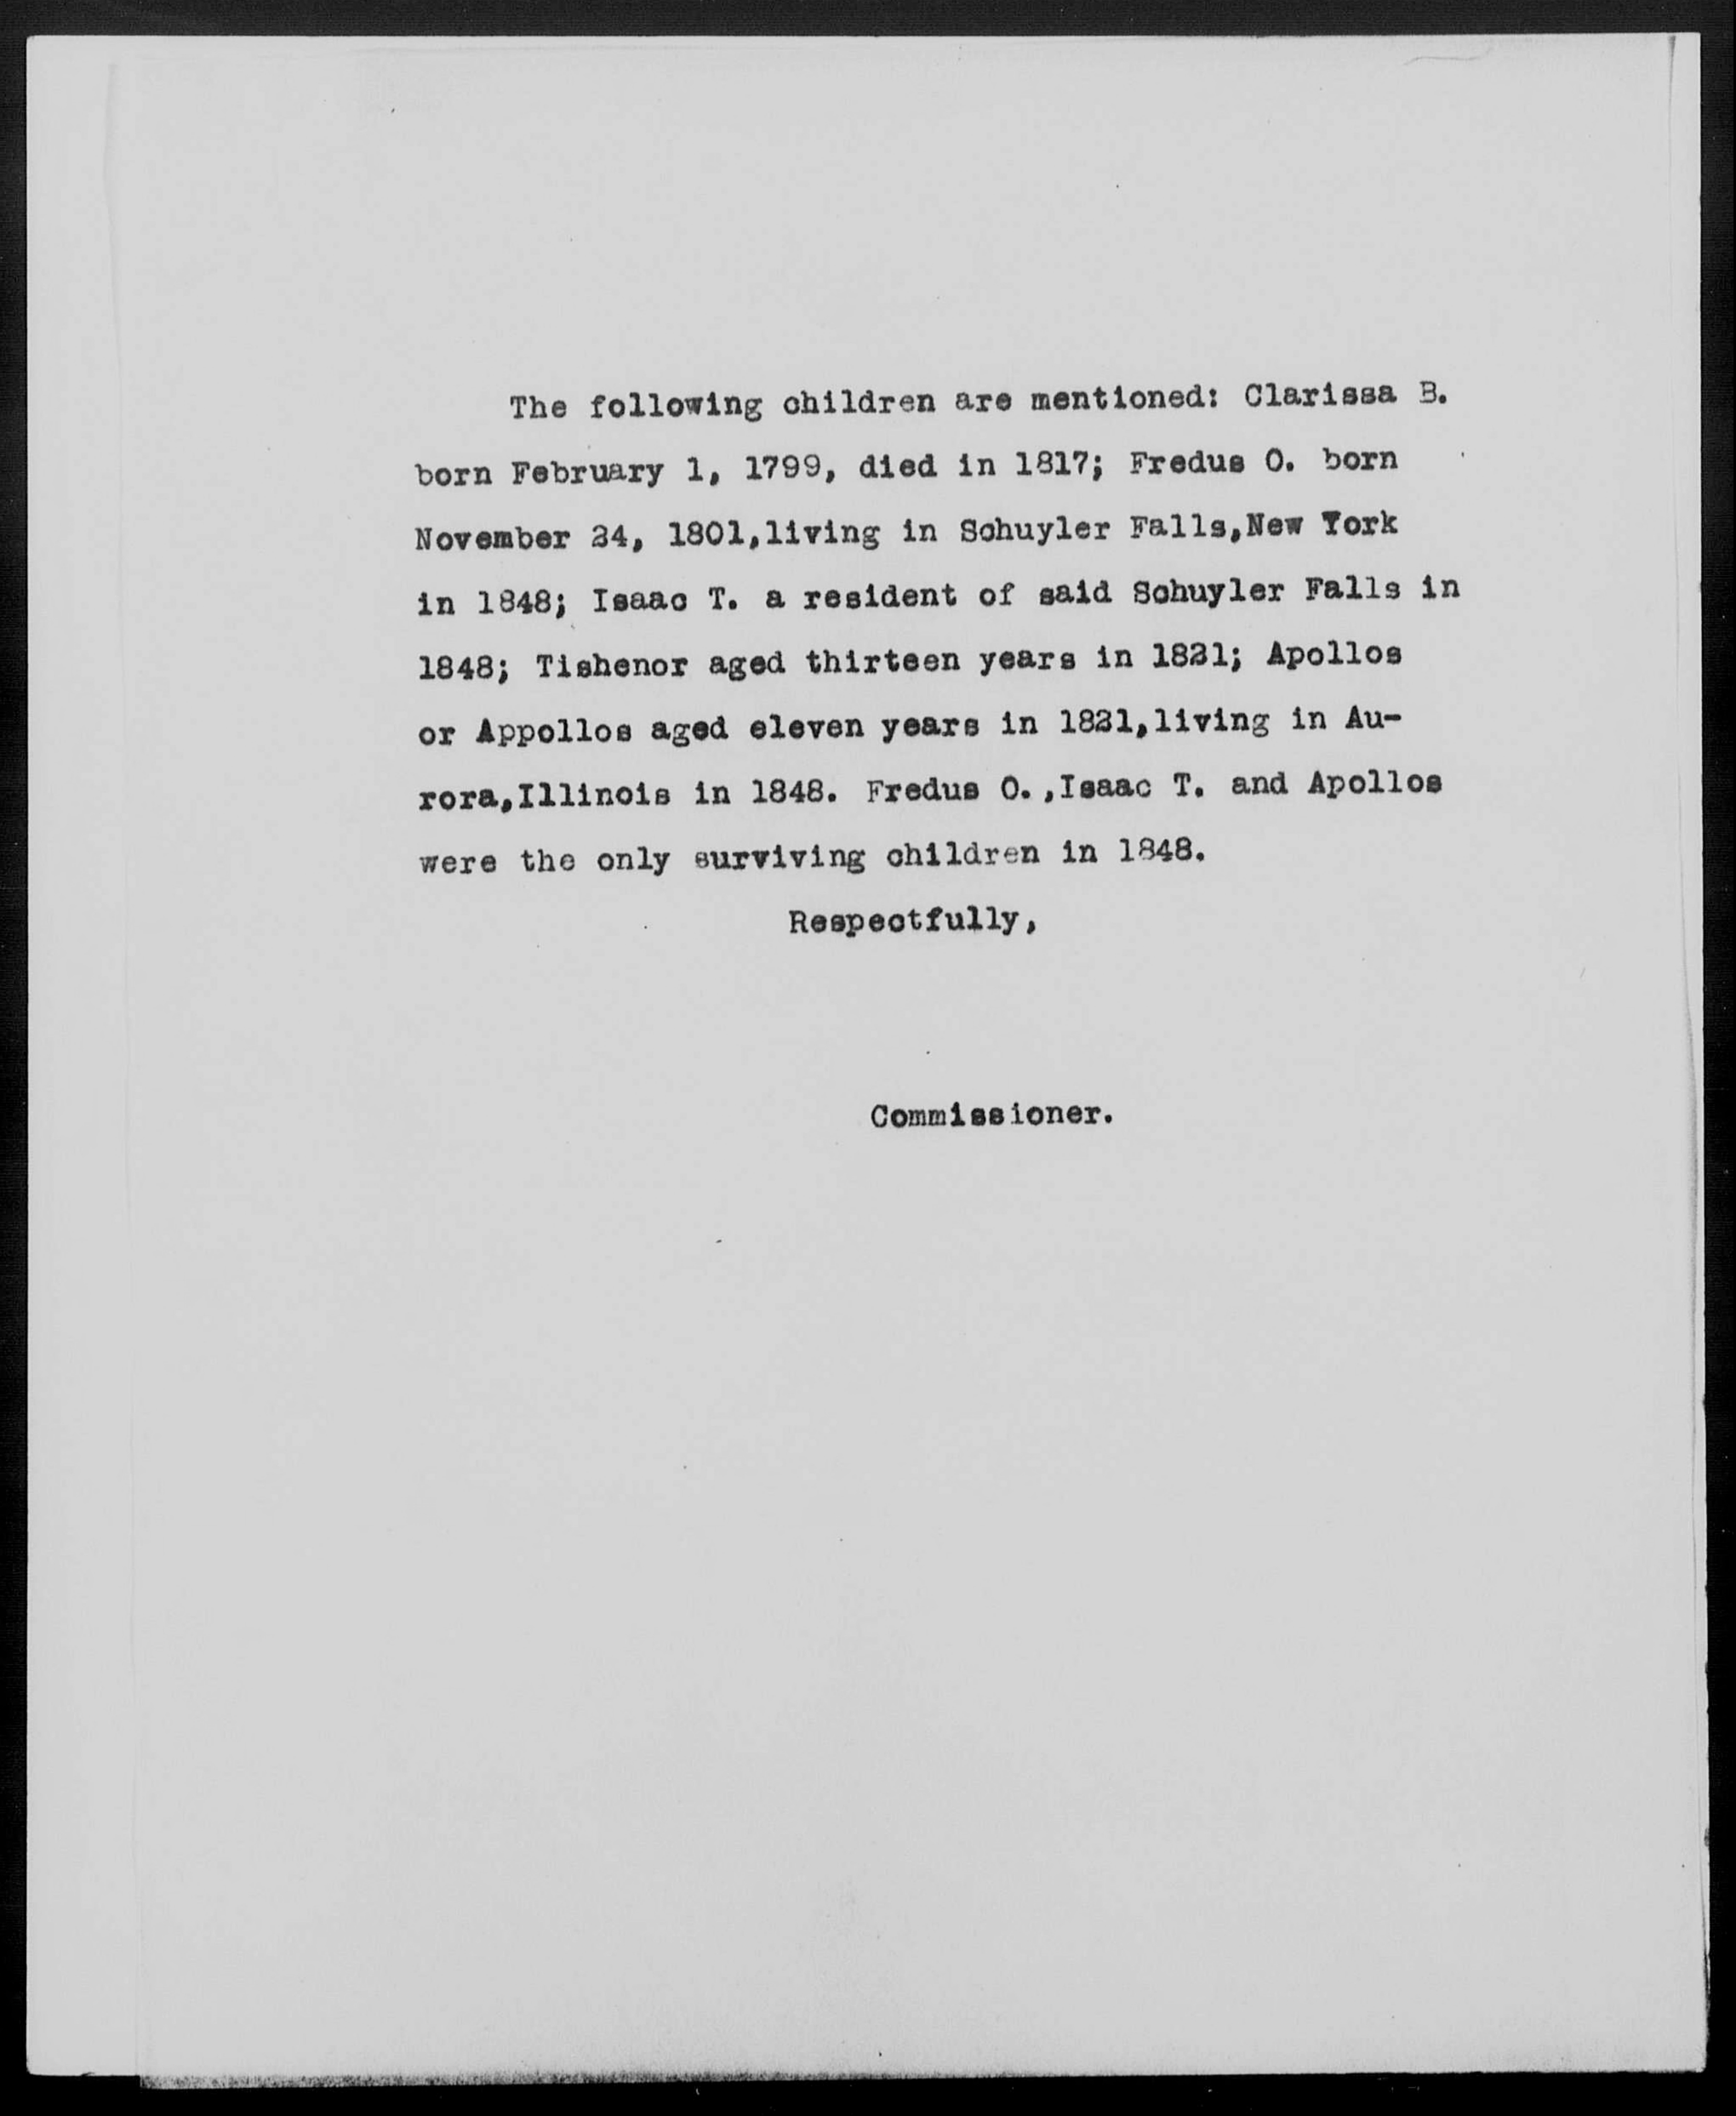The following children are mentioned: Clarissa B. born February 1, 1799, died in 1817; Fredus O. born November 24, 1801, living in Schuyler Falls, New York in 1848; Isaac T. a resident of said Schuyler Falls in 1848; Tishenor aged thirteen years in 1821; Apollos of Appollos aged eleven years in 1821, living in Aurora, Illinois in 1848. Fredus O., Issac T. and Apollos were the only surviving children in 1848.
Respectfully,

Commissioner.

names: Fredus O, Isaac T, Apollos, Appollos, Clarissa B, Fredus O, Tishenor, Apollos, Isaac T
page: 20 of 50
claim: widow's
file: W. 8559, Ebenezer Ayer, Continental (Conn)